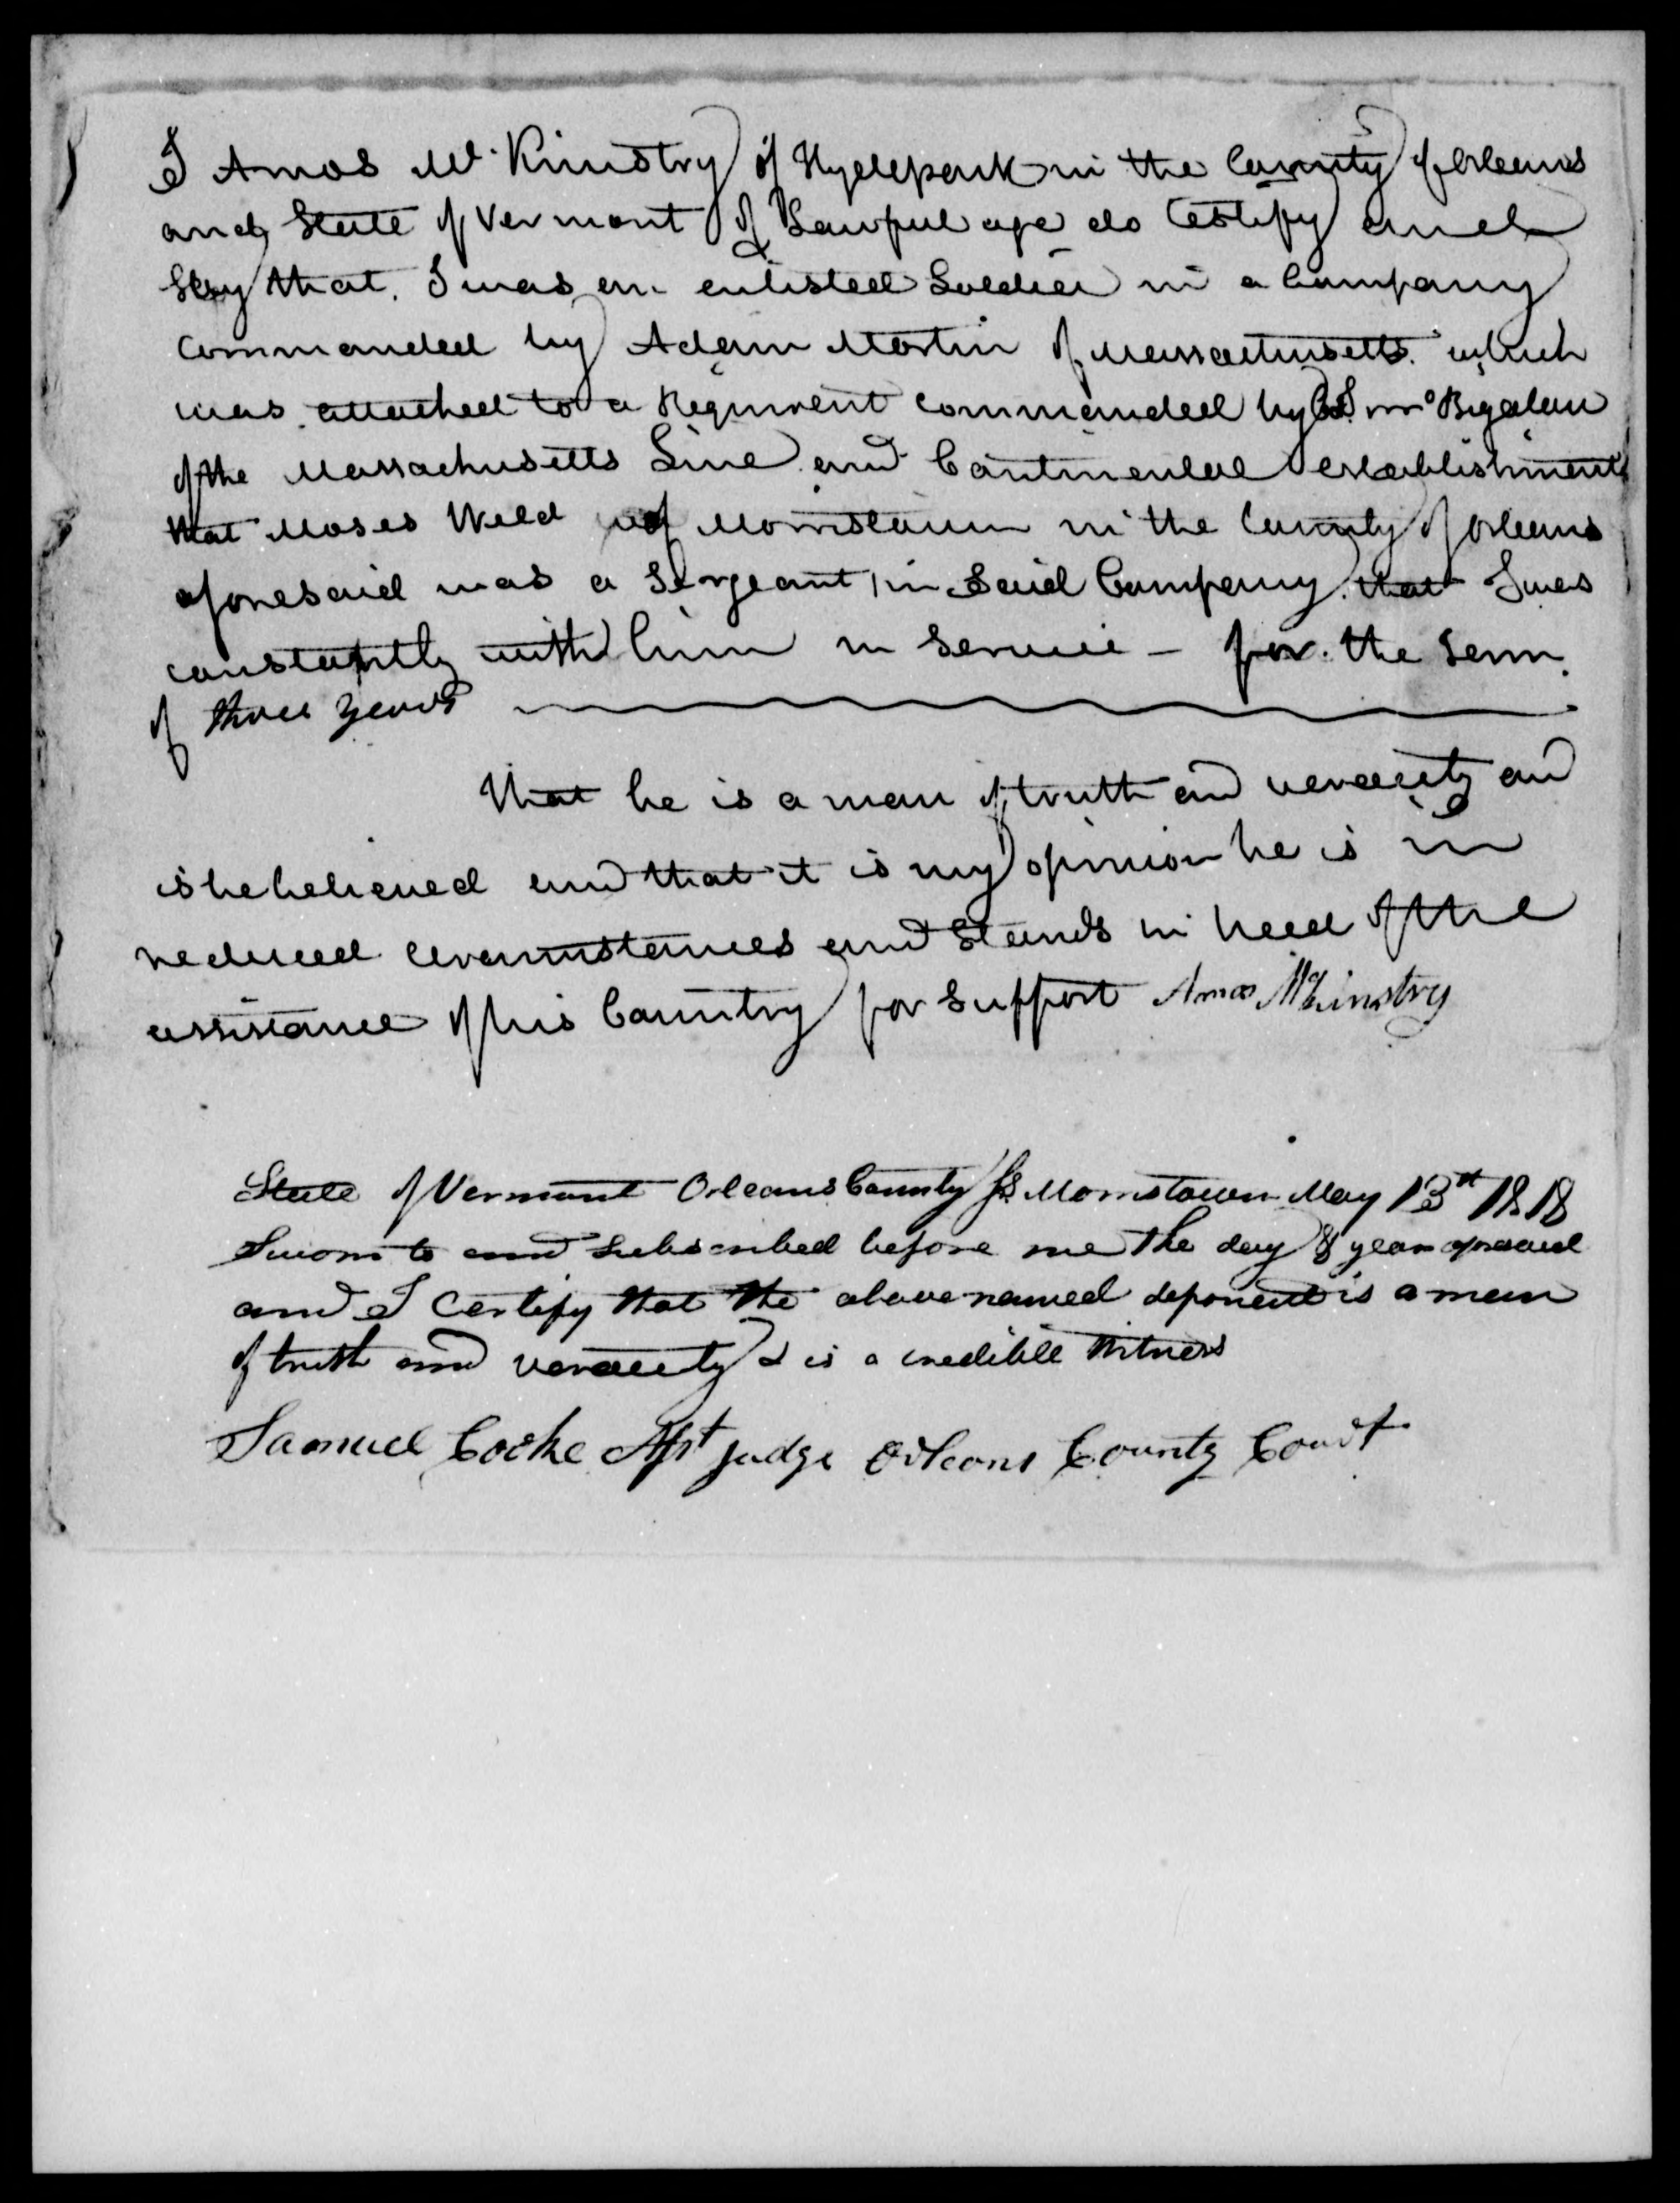Amos McKinstry of Hydepark in the County of Orleans and State of Vermont of lawful age do testify and say that I was an enlisted Soldier in a Company commanded by Adam Martin of Massachusetts, which was attached to a 
 Regiment commanded by Col Timo Bigelow of the Massachusetts Line and Continental establishment
that Moses Weld at Morristown in the County of Orleans aforesaid was a Sergeant in said Company that I was constantly with him in service - for the Term of three years
----
That he is a man of truth and veracity and
[is he believed]? and that it is my opinion he is
reduced circumstances and stands in need of the assistance of his country for support 
Amos McKinstry

State of Vermont Orleans County Ss Morristown  May 13th 1818
Sworn to and subscribed before me the day & year aforesaid and I certify that the above named deponent is a man of truth and veracity & is a credible witness
Samuel Cooke Asst Judge Orleans County Court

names: Amos Mc Kimstry, Samuel Cooke, Moses Weld, Adam Martin, Timo Bigalow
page: 58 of 87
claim: widow's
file: W. 25,966, Moses Weld, Mass.